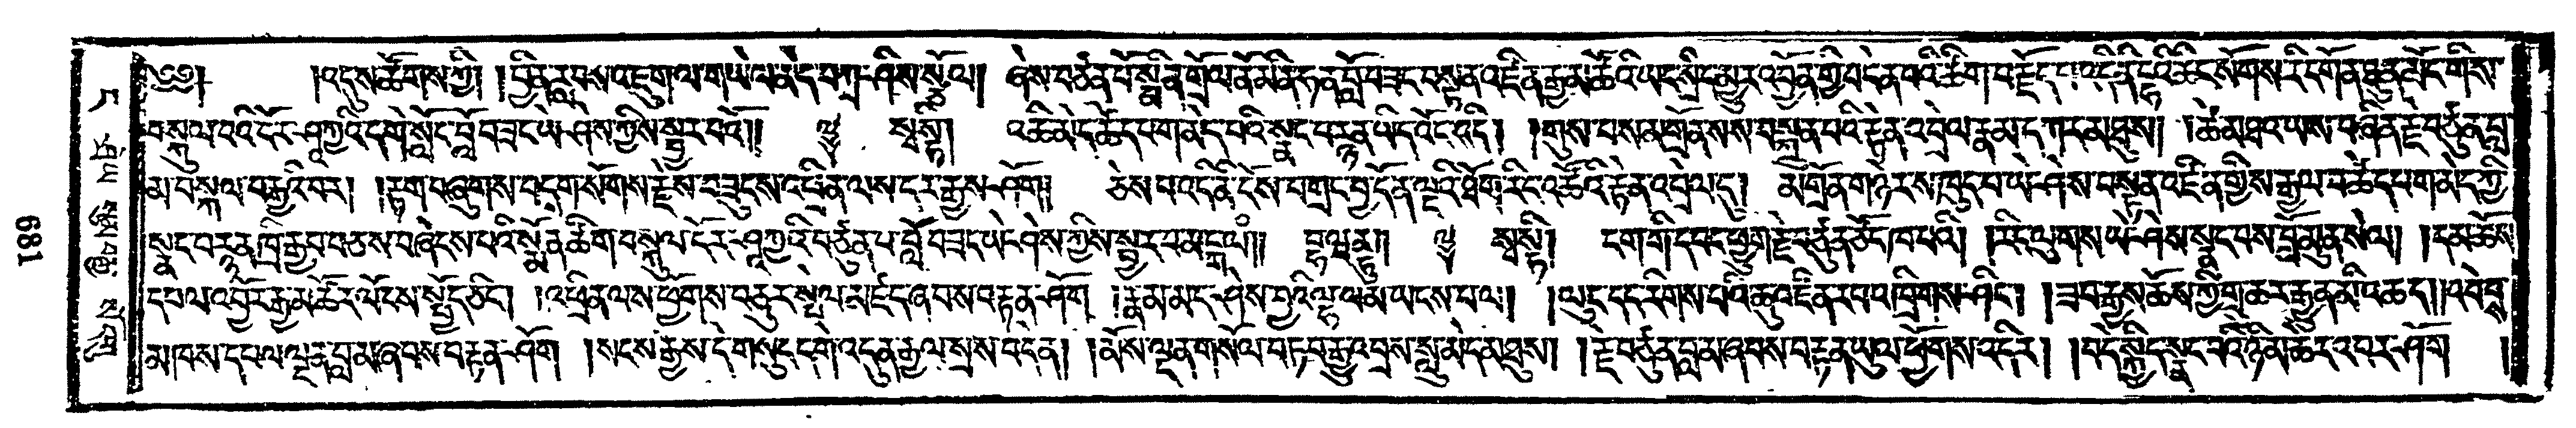༄༅། །འདུས་ཚོགས་ཀྱི། །བྱིན་རླབས་འཇུག་ལ་གཡེལ་མེད་བཀྲ་ཤིས་སྩོལ། ཞེས་བཙན་པོ་སྨིན་གྲོལ་ནི་མིན་ཧན་བློ་བཟང་བསྟན་འཛིན་རྒྱ་མཚོའི་ཡང་སྲིད་མྱུར་འབྱོན་གྱི་བདེན་པའི་ཚིག་བརྗོད་པ་འདི་ནི་དྷའི་ཆིང་སོགས་རི་དགོན་ཐུན་མོང་གིས་
བསྐུལ་བའི་ངོར་ཤཱཀྱའི་དགེ་སློང་བློ་བཟང་ཡེ་ཤེས་ཀྱིས་སྦྱར་བའོ།། ༈ སྭསྟི། འཆི་མེད་ཚེ་དཔག་མེད་པའི་སྣང་བརྙན་ཡིད་འོད་འདི། །གུས་པས་མགྲོན་སས་བསྐྲུན་པའི་རྟེན་འབྲེལ་རྣམ་དཀར་མཐུས། །ཚེ་མཐའ་ཡས་བཞིན་རྗེ་བཙུན་བླ་
མ་བསྐལ་བརྒྱའི་བར། །རྟག་བཞུགས་བདག་སོགས་རྗེས་བཟུངས་འཕྲིན་ལས་དར་རྒྱས་ཤོག། ཅེས་པ་འདི་ནི་ངོས་བགྲང་བྱ་དོན་ལྔའི་ཐོག་རིང་འཚོའི་རྟེན་འབྲེལ་དུ། །མགྲོན་གཉེར་ས་ཁུད་པ་ཡེ་ཤེས་བསྟན་འཛིན་གྱིས་རྒྱལ་བ་ཚེ་དཔག་མེད་ཀྱི་
སྣང་བརྙན་ཁྲི་རྒྱབ་བཅས་བཞེངས་པའི་སྨོན་ཚིག་བསྐུལ་དོར་ཤཱཀྱའི་བཙུན་པ་བློ་བཟང་ཡེ་ཤེས་ཀྱིས་སྦྱར་བ་མངྒལཾ།། བྷ་ཝནྟུ།། ༈ སྭསྟི། ངག་གི་དབང་ཕྱུག་རྗེ་བཙུན་ཙོང་ཁ་པའི། །རིང་ལུགས་ཡེ་ཤེས་སྣང་བས་བློ་མུན་སེལ། །དམ་ཆོས་
དཔལ་འབྱོར་རྒྱ་མཚོར་ལོངས་སྤྱོད་ཅིང་། །འཕྲིན་ལས་ཕྱོགས་བཅུར་སྤེལ་མཛད་ཞབས་བརྟན་ཤོག །རྣམ་མང་ཤེས་བྱའི་ལྷ་ལམ་ཡངས་པ་ལ། །ལུང་དང་རིགས་པའི་ཆུ་འཛིན་རབ་འཁྲིགས་ཤིང་། །ཟབ་རྒྱས་ཆོས་ཀྱི་གྲུ་ཆར་རྒྱུན་མི་འཆད། །འབེབས་
མཁས་དཔལ་ལྡན་བླ་མ་ཞབས་བརྟན་ཤོག །སངས་རྒྱས་དེ་གསུང་དགེ་འདུན་རྒྱལ་སྲས་བདེན། །མོས་ལྡན་གསོལ་བཏབ་རྒྱུ་འབྲས་སླུ་མེད་མཐུས། །རྗེ་བཙུན་བླ་མ་ཞབས་བརྟན་ཡུལ་ཕྱོགས་འདིར། །བདེ་སྐྱིད་སྣང་བའི་ཉི་མ་ཆེར་འབར་ཤོག །